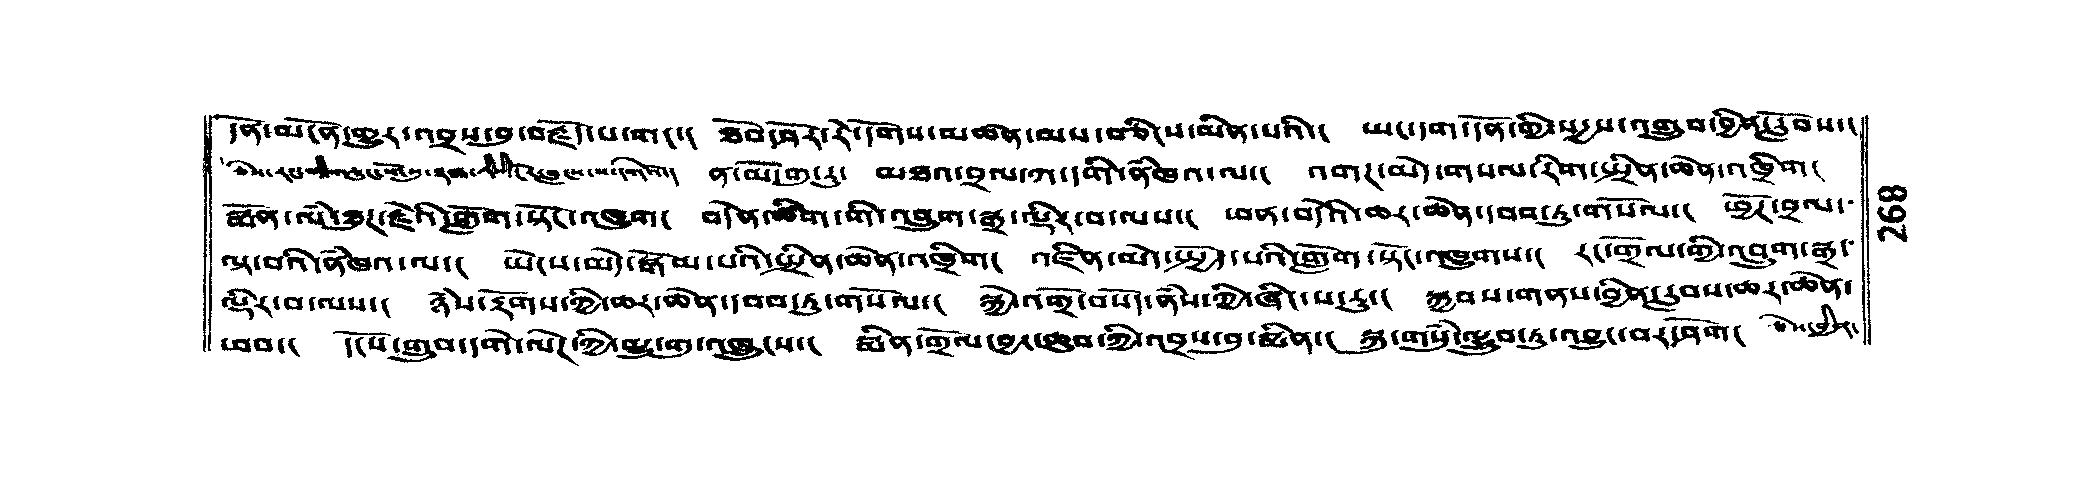།དོན་མངོན་གྱུར་འབྲས་བུ་བརྗོད་པ་གང་། །ཐོབ་ཤོར་རེ་དོགས་མཚན་མས་བཅིངས་མིན་པའི། །ཡང་དག་དོན་གྱི་སངས་རྒྱས་འགྲུབ་བྱིན་རློབས། 
ཅེས་རང་གི་གཅུང་པོ་སུ་དྷརྨ་ཏིའི་ངོར་བླངས་པ་དགེའོ།། ན་མོ་གུ་རུ། མཐའ་བྲལ་ཀ་དག་གི་ནམ་མཁའ་ལ། །འགགས་མེད་གསལ་རིག་སྤྲིན་ཆེན་འཁྲིགས། །
སྨོན་ལམ་ཐུགས་རྗེའི་གློག་སྟོང་འཁྱུག །བདེན་ཚིག་གི་འབྲུག་སྒྲ་ལྡིར་བ་ལས། །ཕན་བདེའི་ཆར་ཆེན་དབབ་ཏུ་གསོལ། །ཕྱོགས་བྲལ་
ལྟ་བའི་ནམ་མཁའ་ལ། ཡེངས་མེད་སྒོམ་པའི་སྤྲིན་ཆེན་འཁྲིགས། །འཛིན་མེད་སྤྱོད་པའི་གློག་སྟོང་འཁྱུགས། །རང་གྲོལ་གྱི་འབྲུག་སྒྲ་
ལྡིར་བ་ལས། །ཉམས་རྟོགས་ཀྱི་ཆར་ཆེན་དབབ་ཏུ་གསོལ། །སྐྱེ་འགྲོ་བསོད་ནམས་ཀྱི་ཞིང་ས་རུ། །སྐྱབས་གནས་བྱིན་རླབས་ཆར་ཆེན་
ཕབ། །དངོས་གྲུབ་དགེ་ལེགས་ཀྱི་མྱུ་གུ་འཁྲུངས། །སྨིན་གྲོལ་བྱང་ཆུབ་ཀྱི་འབྲས་བུ་སྨིན། །སྐུ་གསུམ་ལྷུན་གྲུབ་ཏུ་འབྱུང་བར་ཤོག། ཅེས་བྱིན་